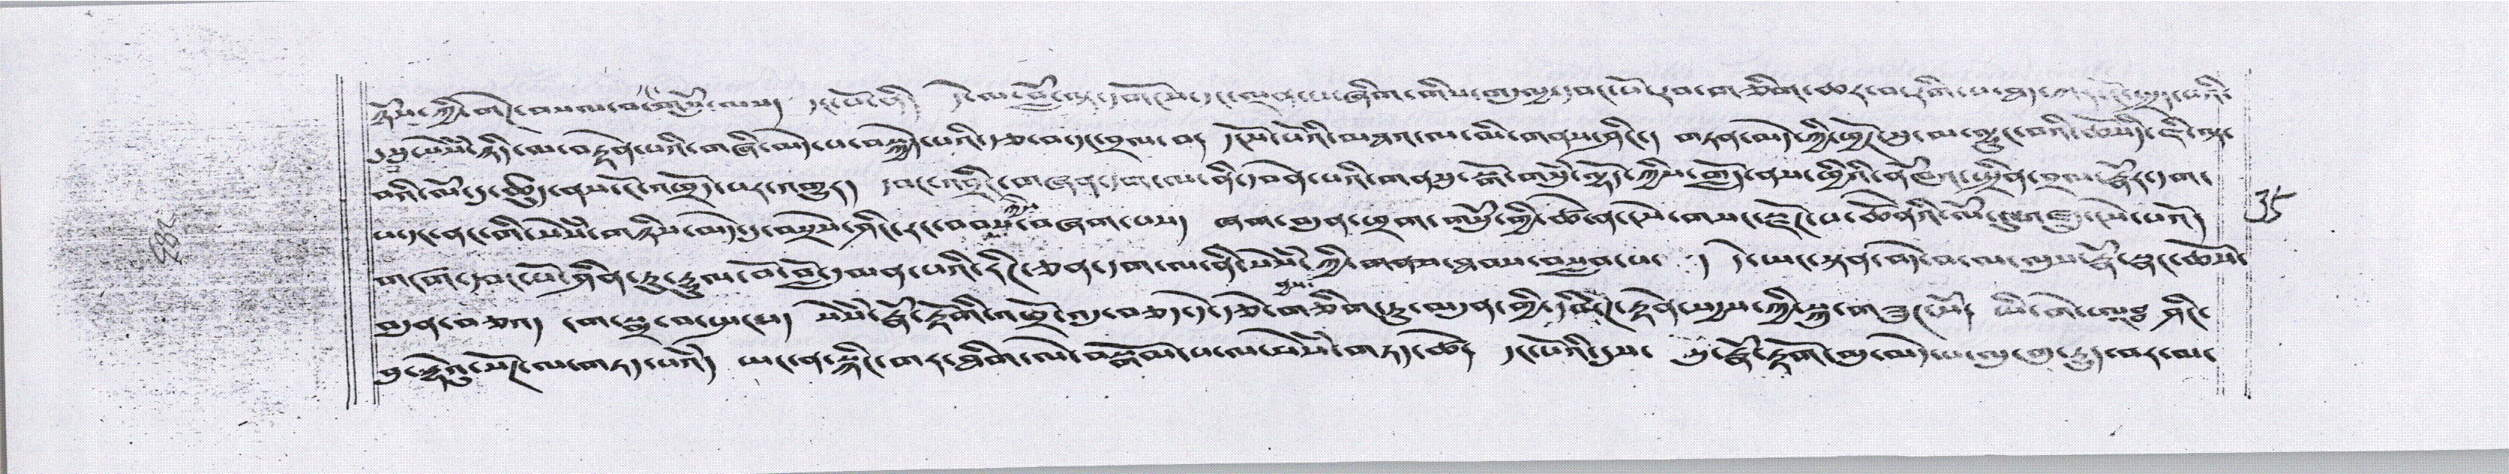ཉམས་ཀྱི་གེགས་བསལ་བ་དང་གསུམ་ལས། དང་པོ་ནི། དེ་ལ་བླ་ལྟ་དགོངས་དང་ལྡན་པ་ཞིག་གིས་གདུལ་བྱ་དབང་པོ་རབ་གཅིག་ཆར་བ་རིག་པ་ཐད་ཀར་ངོ་སྤྲད་པའི་
དུས་སུ་སེམས་ཉིད་ལ་བརྟེན་པའི་གཞི་མེད་པ་བསྐྱེད་པའི་རྩ་བ་དང་བྲལ་བ། དངོས་པོའི་མཐའ་ལ་མི་གནས་ཤིང། གཏན་མེད་ཀྱི་ཕྱོགས་སུ་མ་ལྷུང་བའི་ཆོས་ཉིད་ཇི་ལྟ་
བའི་ལམ་དུ་ཚུད་ནས་ངོ་འཕྲོད་པར་འགྱུར། དབང་འབྲིང་གཞན་དག་ལ་ནི་དབེན་པའི་གནས་སུ་སྒོ་གསུམ་ལྷོད་ཀྱིས་གློད་ནས་ཕྱིའི་ནམ་མཁའ་སྤྲིན་བྲལ་རྣམ་པར་དག་
པ་དང་ནང་གི་སེམས་གཉིས་མེད་དུ་བསྲེས་ཤིང་རང་བབས་ཀྱིས་བཞག་པས། ཞག་བདུན་ཕྲག་གསུམ་གྱི་ཚེ་ན་ངེས་གསང་རྫོགས་པ་ཆེན་པོའི་ལམ་དུ་འཛུད་ངེས་པའོ། 
གང་ཟག་དབང་པོ་ཤིན་ཏུ་རྟུལ་པོ་བློ་དམན་པའི་རིགས་ཅན་དག་ལ་ནི་སེམས་གནས་ཀྱི་ཐབས་བསླབ་པས། དེ་ཡང་སྟན་བདེ་བ་ལ་ལུས་རྣམ་སྣང་ཆོས་
བདུན་བཅའ། ངག་སྨྲ་བ་སྤངས། སེམས་རྣམ་རྟོག་གི་འཕྲོ་འདུ་བཅད་དེ་རྩེ་གཅིག་ཏུ་མདུན་གྱི་དམིགས་རྟེན་སངས་རྒྱས་ཀྱི་སྐུ་གཟུགས་སམ། ཡི་གེ་ཨཱཿ ཤིང་
བུ་དྷེའུ་སོགས་ལ་གཏད་པའམ། ཡང་ན་སྙིང་གར་ཐིག་ལེ་བསྒོམ་པ་ལ་སེམས་གཏད་ཚེ། དང་པོའི་དུས། ཡུམ་རྣམ་རྟོག་མུ་མེད་པ་ལུ་གུ་རྒྱུད་བར་མ་